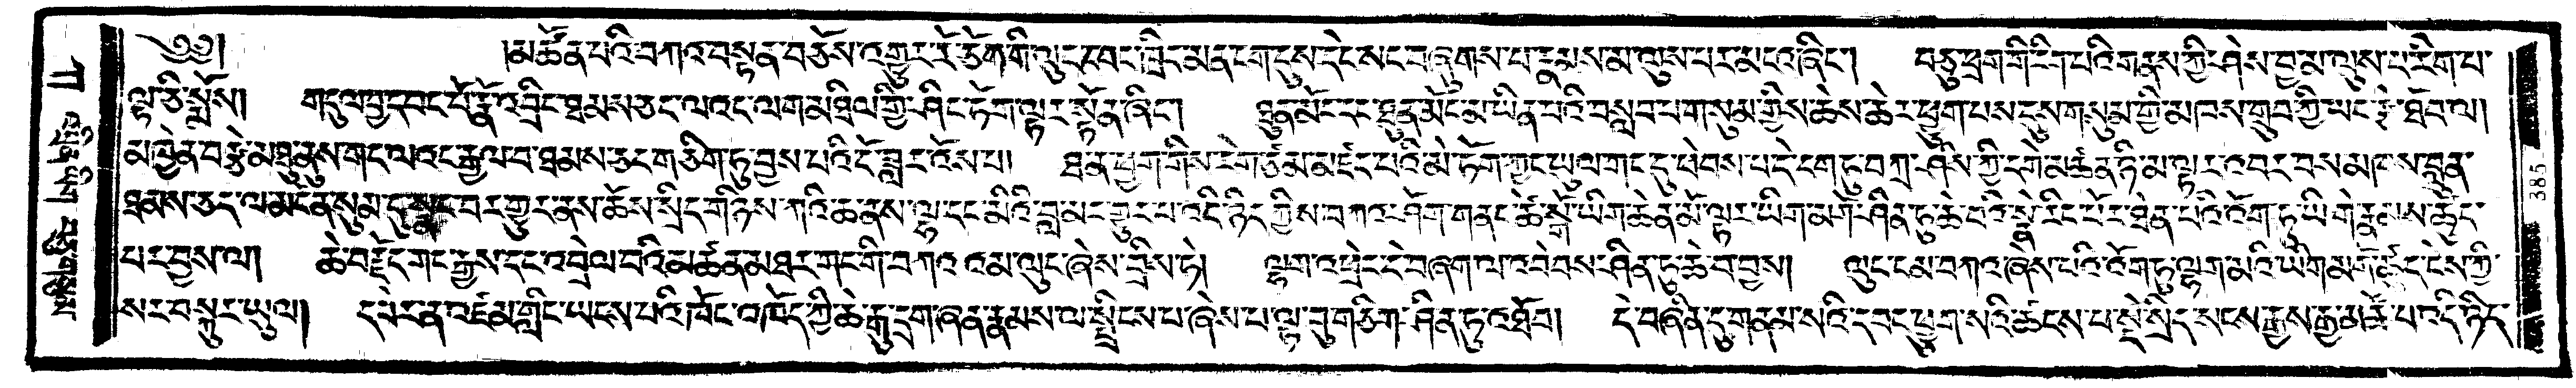༄༅། །མཚོན་པའི་བཀའ་བསྟན་བཅོས་འགྱུར་རོ་ཅོག་གི་ལུང་དབང་ཁྲིང་མན་ངག་དུས་དེང་སང་བཞུགས་པ་རྣམས་མ་ལུས་པར་མངའ་ཞིང་། བཅུ་ཕྲག་གི་རིག་པའི་གནས་ཀྱི་ཤེས་བྱ་མ་ལུས་པ་རིག་པ་
ལྟ་ཅི་སྨོས། གདུལ་བྱ་དབང་པོ་རྣོ་འབྲིང་ཐམས་ཅད་ལའང་ལག་མཐིལ་གྱི་ཤིང་ཐོག་ལྟར་སྟོན་ཞིང་། ཐུན་མོང་དང་ཐུན་མོང་མ་ཡིན་པའི་བསླབ་པ་གསུམ་གྱིས་ཆེས་ཆེར་ཕྱུག་པས་དུས་གསུམ་གྱི་མཁས་གྲུབ་ཀྱི་ཡང་རྩེ་ཐོབ་ལ།
མཁྱེན་བརྩེ་མཐུ་ནུས་གང་ལའང་རྒྱལ་བ་ཐམས་ཅད་གཅིག་ཏུ་བྱས་པའི་ངོ་ཟླར་འོས་པ། ཐ་ན་ཕྱག་གིས་རེག་ཙམ་མཛད་པའི་མེ་ཏོག་ཀྱང་ཡུལ་གང་དུ་ཕེབས་པ་དེ་དག་ཏུ་བཀྲ་ཤིས་ཀྱི་དགེ་མཚན་ཉི་མ་ལྟར་འབར་བས་མཁས་བླུན་
ཐམས་ཅད་ལ་མངོན་སུམ་དུ་སྣང་བར་གྱུར་ནས་ཆོས་སྲིད་གཉིས་ཀའི་ཆ་ནས་ལྷ་དང་མིའི་བླ་མང་གྱུར་པ་འདི་ཉིད་ཀྱིས་བཀའ་ཤོག་གནང་ཚེ་སྒོ་ཡིག་ཆེན་མོ་ལྟར་ཡིག་མགོ་ཤིན་ཏུ་ཆེ་བའི་སྣེ་རིང་པོར་ཐེན་པའི་འོག་ཏུ་ཡི་གེ་རྣམས་ཆུད་
པར་བྱས་ལ། ཆེ་བརྗོད་གང་རྒྱས་དང་འབྲེལ་བའི་མཚན་མཐར་གང་གི་བཀའ་འམ་ལུང་ཞེས་བྲིས་ཏེ། ལྷག་འཕྲེང་རེ་བཞག་ལ་འབེབས་ཤིན་ཏུ་ཆེ་བ་བྱས། ལུང་ངམ་བཀའ་ཞེས་པའི་འོག་ཏུ་ལྷག་མའི་ཡིག་མགོ་ཚུད་ངེས་ཀྱི་
སར་བསྐུར་ཡུལ། དཔེར་ན་འཛམ་གླིང་ཡངས་པའི་ཁོང་འཁོད་ཀྱི་ཆེ་རྒུ་དྲག་ཞན་རྣམས་ལ་སྤྲིངས་པ་ཞེས་པ་ལྟ་བུ་གཅིག་ཤིན་ཏུ་འཐོབ། དེ་བཞིན་དུ་གནམ་སའི་དབང་ཕྱུག་སའི་ཚངས་པ་སྡེ་སྲིད་སངས་རྒྱས་མཚོ་པ་འདི་ཉིད་